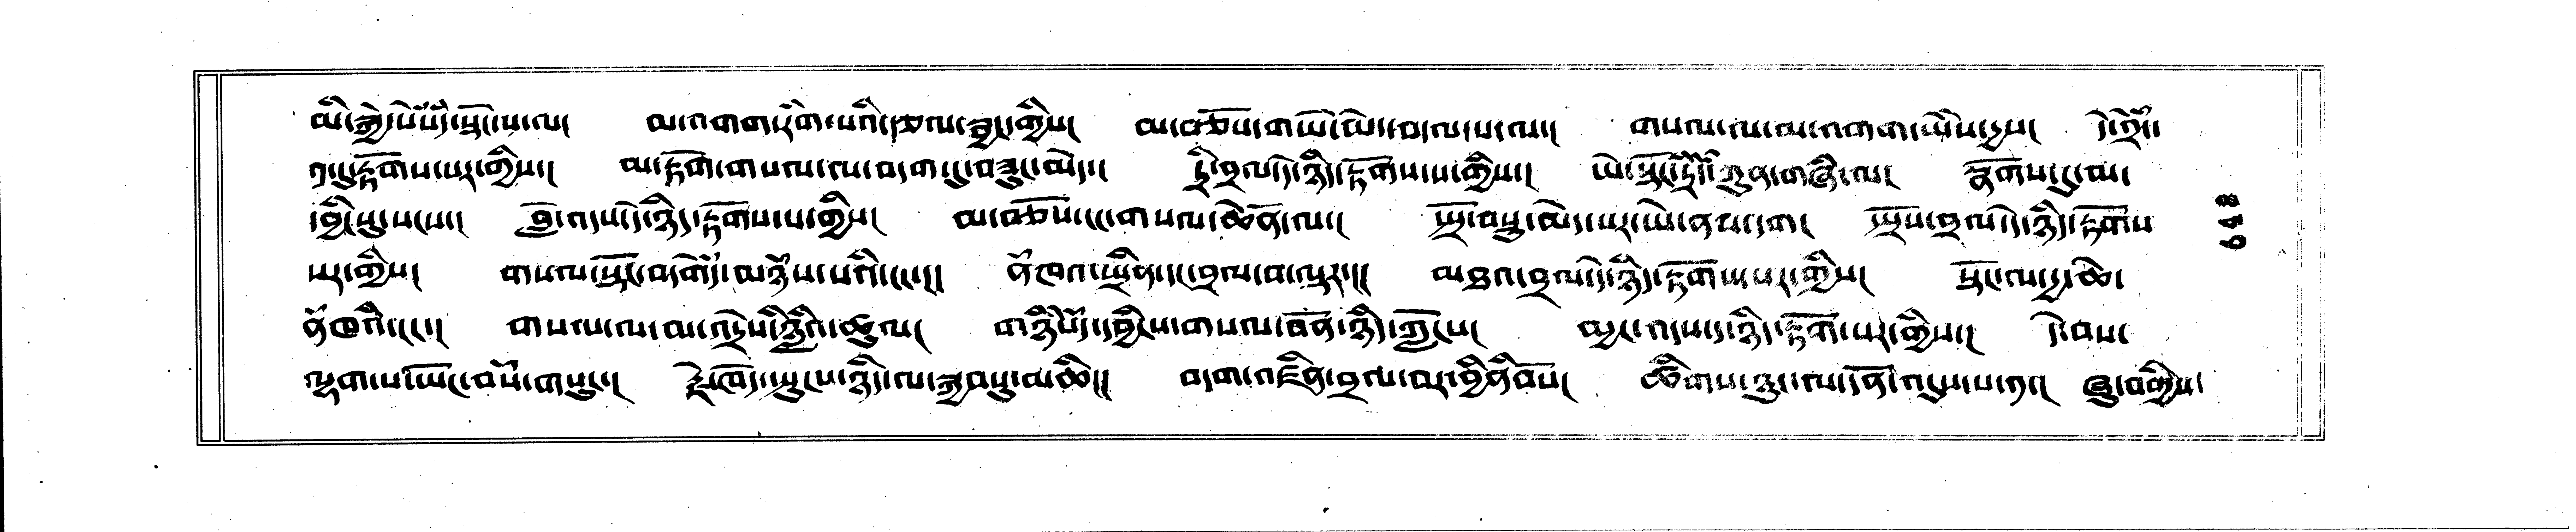སེམས་ཉིད་སྟོང་པ་ལ། མ་འགག་རིག་པ་རྩལ་སྦྱངས་གྱིས། མ་བཅོས་གཡོ་མེད་བདལ་པ་ལ། གསལ་ལ་མ་གྷག་(འགག)་ཡེ་ཤེས་རྒྱས། དེ་གཉིས་
ཏུ་རྟོགས་པར་གྱིས། མི་རྟོག་ངོའོ་བདག་བཟུངས་མེད། དྲི་བྲལ་དེ་ཉིད་རྟོགས་པར་གྱིས། ཡེ་སྟོང་དྲི་མེད་ཀུན་གཞི་ལ། སྣ་ཚོགས་དུ་མ་
དབྱིངས་སུ་སངས། བློ་འདས་དེ་ཉིད་རྟོག་པར་གྱིས། མ་བཅོས་ངང་གསལ་ཆེན་པོ་ལ། སྤྲོ་བསྡུ་མེད་པར་ཡེ་ནས་དག སྤྲོས་བྲལ་དེ་ཉིད་རྟོགས་
པར་གྱིས། གསལ་སྟོང་བདག་མེད་མཉམ་པའི་ངང་། ནམ་མཁའ་སྤྲིན་དང་བྲལ་བ་ལྟར། མཐའ་བྲལ་དེ་ཉིད་རྟོགས་པར་གྱིས། སྟོང་པ་རྒྱ་ཆེ་ནམ་
མཁའི་ངང་། གསལ་ལ་མ་འདྲེས་ཉི་ཟླའི་ཚུལ། གཉིས་མེད་དབྱིངས་གསལ་བོན་གྱི་ཀློང་། མྱང་འདས་དེ་ཉིད་རྟོགས་པར་གྱིས། དེ་བས་
ལྷག་པར་ཡོད་དམ་གསུང་། རྗེ་ཁོད་སྤུངས་ཉིད་ལ་སྐྱབས་སུ་མཆིའོ། བདག་འཛིན་བྲལ་བར་བྱིན་གྱིས་བརློབ། ཚིག་ཉུང་ལ་དོན་འདུས་པའི་ ཞུ་བྱས་